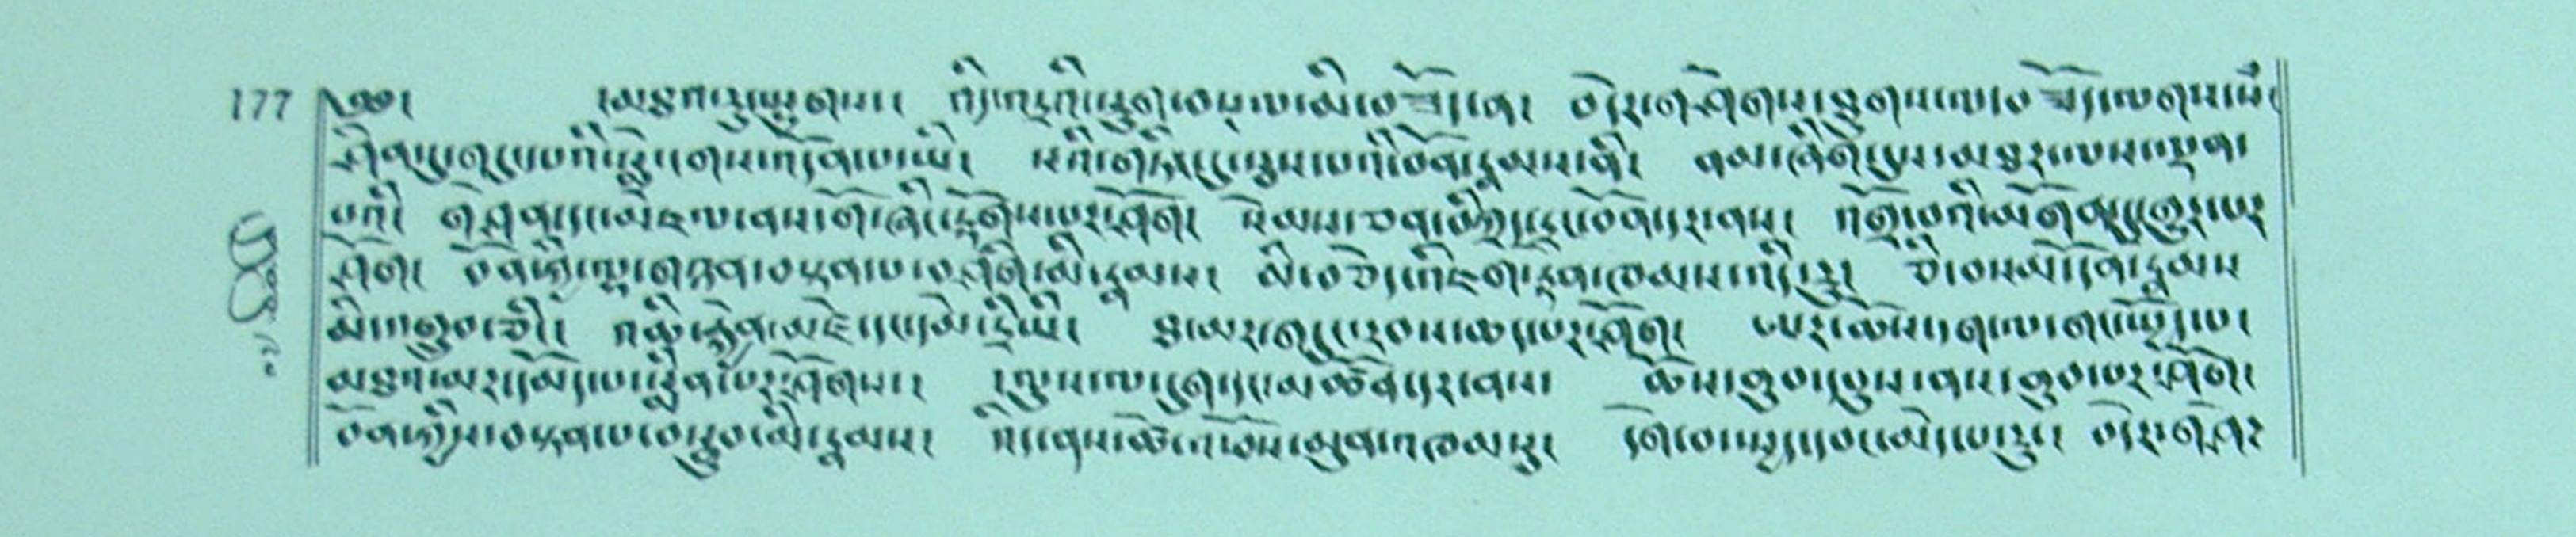༄༅། །མཐའ་རུ་སྤྱུགས། འདི་འདྲའི་སྡུག་བསྔལ་མི་བཟོད་ན། བདེར་གཤེགས་ཐུགས་ལ་བཟོད་ལགས་སམ། 
ཤིན་ཏུ་གདུང་བའི་སྨྲེ་སྔགས་འདོན་པ་ཡིས། སའི་གཏིང་དུ་སྦས་པའི་བོན་རྣམས་ནི། ནམ་ཞིག་དུས་མཐར་ལས་ལྡན་
པའི་གཤེན་དང་མཇལ་ནས་གོ་ཞིང་རྟོགས་པར་ཤོག སེམས་ཅན་བཀྲིད་དྲང་བོན་དར་ནས། འགྲོ་བའི་མགོན་དུ་འགྱུར་བར་
ཤོག བོན་གྱི་ལྷ་གཉན་བསྟན་པ་བཤིག་མི་རྣམས། མི་བཅེད་འཇིག་རྟེན་ཁམས་འདི་རུ། ཅི་བསམ་དོན་རྣམས་
མི་འགྲུབ་ཅིང་། འཆི་རྐྱེན་མཛེ་དང་དམེ་དྲི་ཡི། ཐ་མར་གདུང་རབས་ཆད་པར་ཤོག ཨར་ཆོས་དག་ལ་གང་སྤྱོད་པ། 
ཐ་མར་དམོད་པ་སྨིན་པར་ཤོག ལུས་དང་དུག་དང་མཚོན་དར་ནས། ཆོས་ནུབ་དབུས་ནས་ནུབ་པར་ཤོག 
བོན་གྱི་བསྟན་པ་བསྣུབ་མི་རྣམས། འདི་ནས་ཚེ་འཕོས་མུན་ཁམས་སུ། དགེ་བ་སྤྱད་དབང་མེད་པ་རུ། བདེར་གཤེགས་